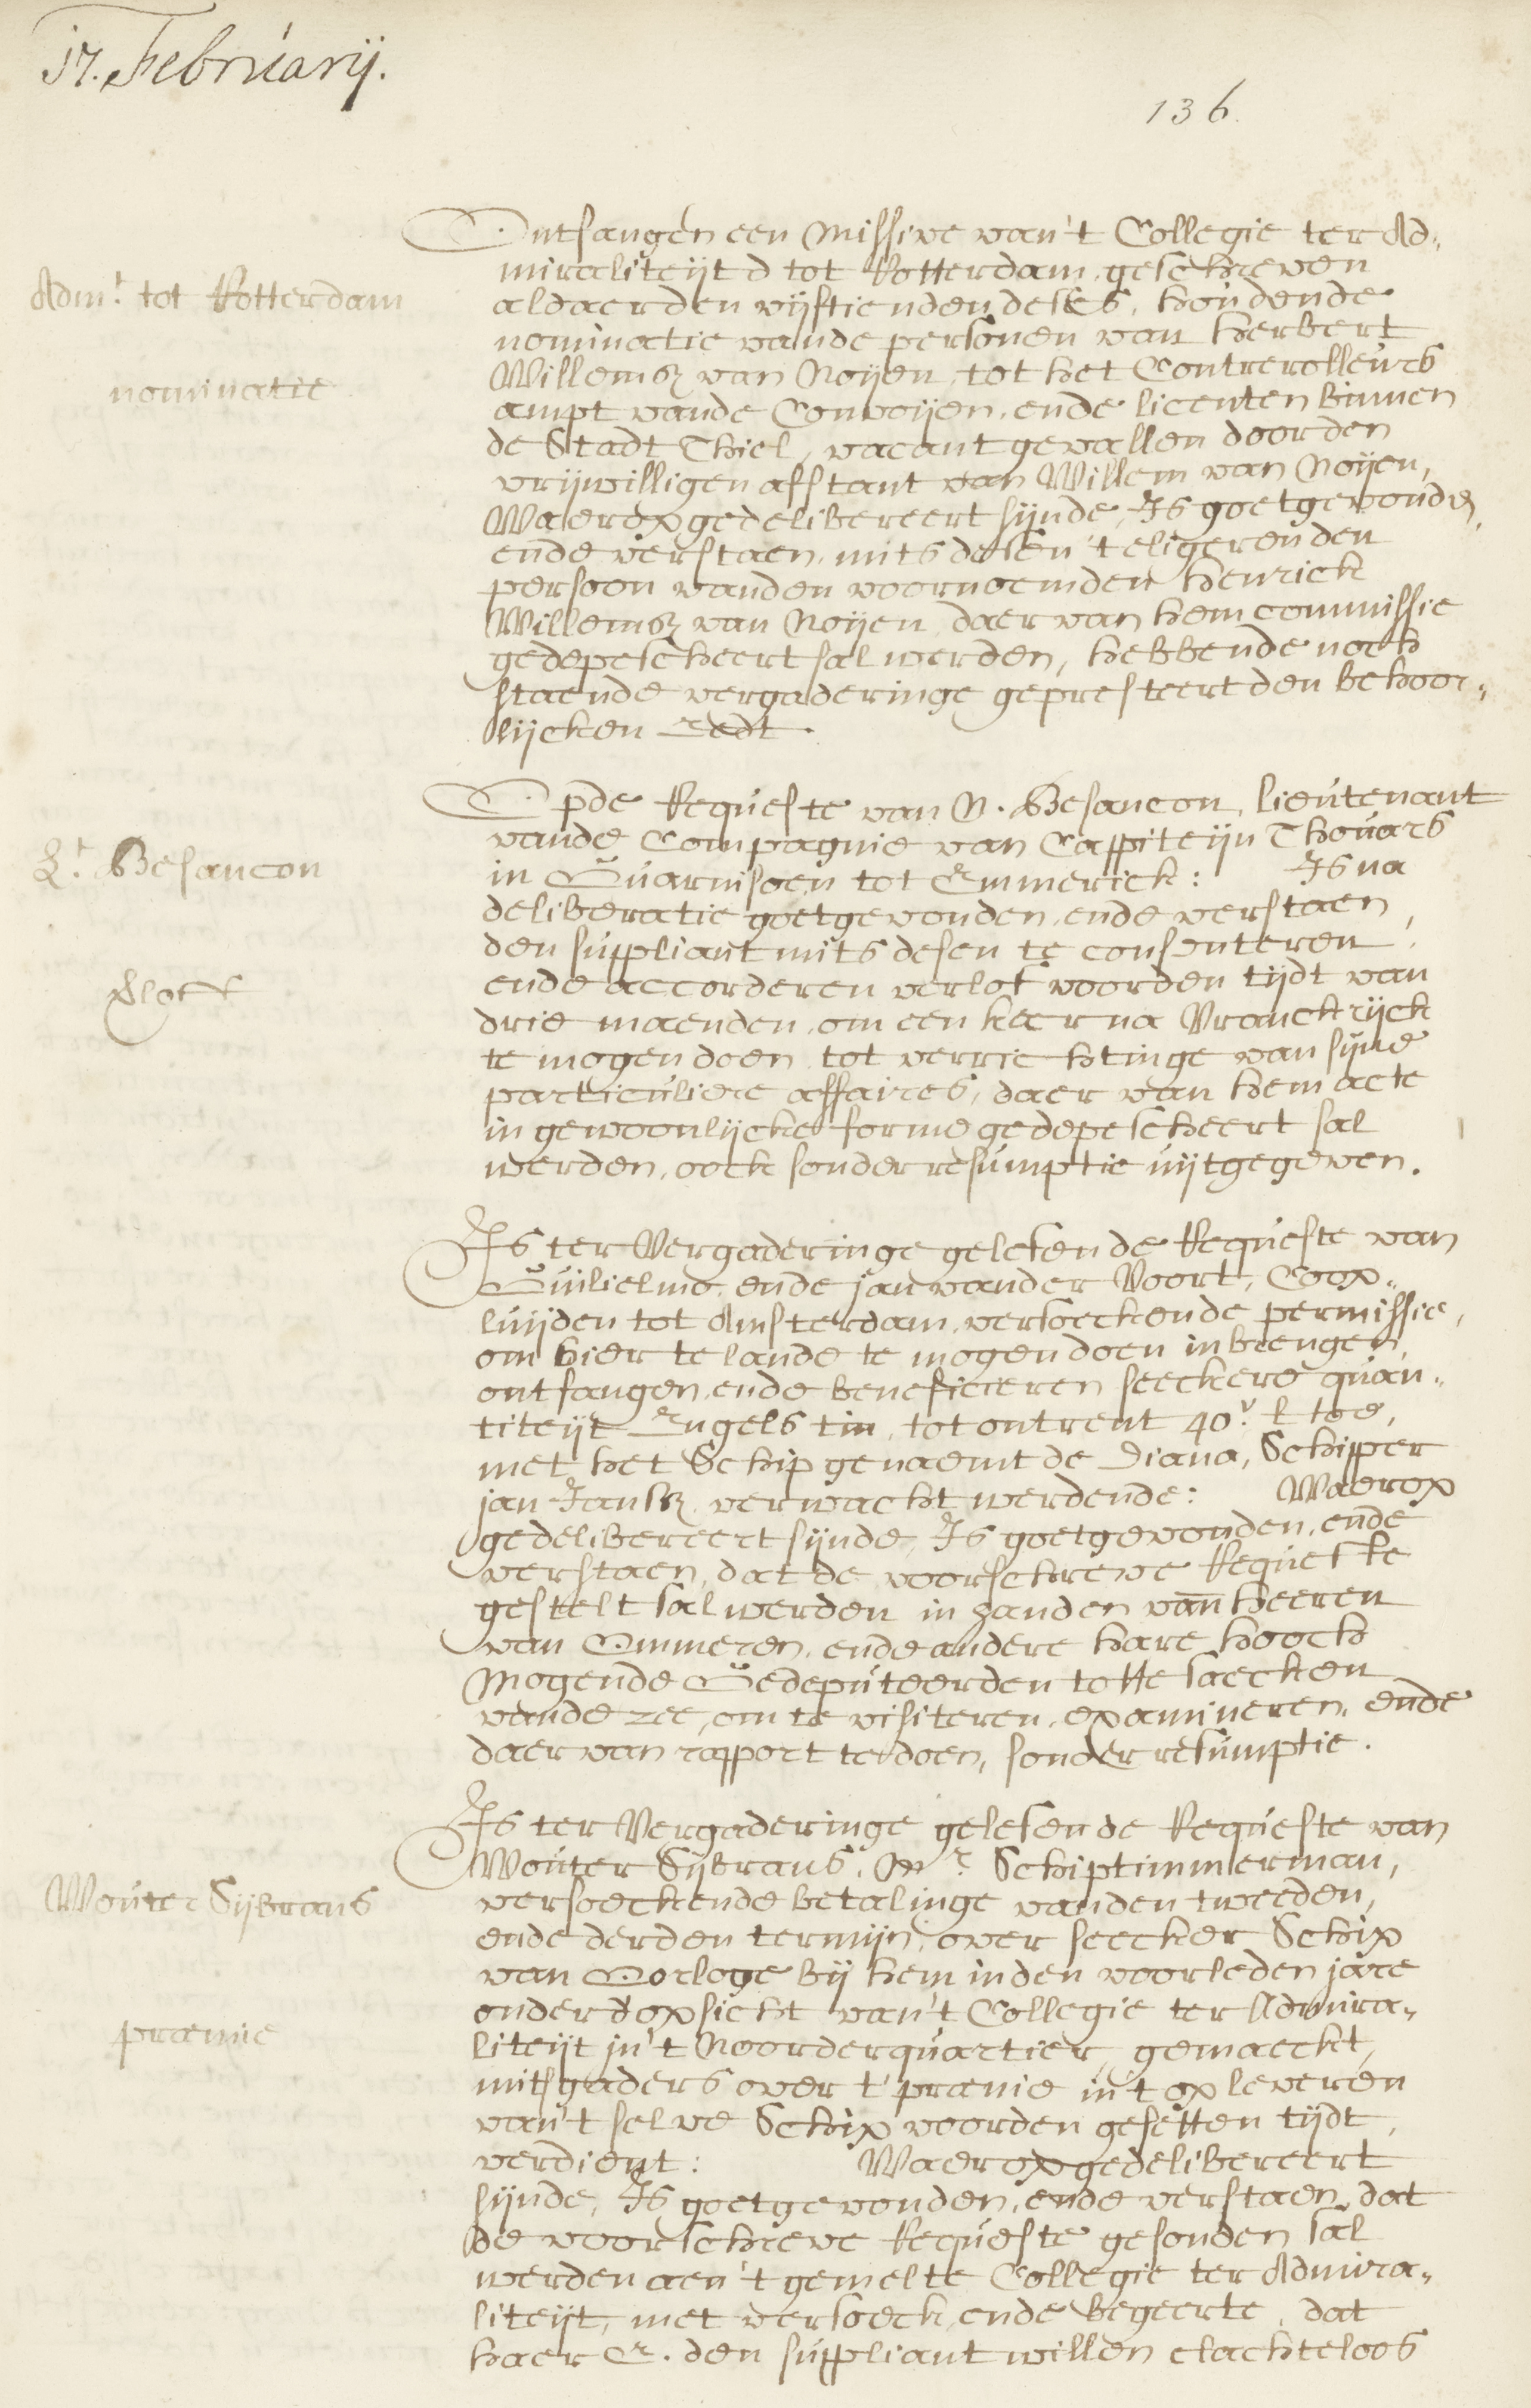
136
17. Februarij.
Admt. tot Rotterdam
nominatie
Ontfangen een missive van 't Collegie ter Ad,,
miraliteijt d tot Rotterdam, geschreven
aldaer den vijftienden deses, houdende
nominatie vande personen van herbert
Willemsz van Noijen, tot het Contrerolleurs
ampt vande Convoijen, ende licenten binnen
de Stadt Thiel, vacant gevallen door den
vrijwilligen afstant van Willem van Noijen.
Waerop gedelibereert sijnde, Is goetgevonden,
ende verstaen, mits desen 't eligeren den
persoon vanden voornoemden henrick
Willemsz van Noijen daer van hem commissie
gedepescheert sal werden, hebbende noch
staende vergaderinge gepresenteert den behoor,,
lijcken Eedt.
Lt. Besancon
vloff
Opde Requeste van N. Besancon, lieutenant
vande Compagnie van Cappiteijn Thouars
in Guarnisoen tot Emmerick: Is na
deliberatie goetgevonden, ende verstaen,
den suppliant mits desen te consenteren,
ende accorderen verlof voorden tijdt van
drie maenden, om een keer na Vranckrijck
te mogen doen tot verrichtinge van sijne
particuliere affaires, daer van hem acte
in gewoonlijcke forme gedepescheert sal
werden, oock sonder resumptie uijtgegeven.
Is ter Vergaderinge gelesen de Requeste van
Guilielmo, ende jan vander Voort, Coop,,
luijden tot Amsterdam, versoeckende permissie,
om hier te lande te mogen doen inbrengen,
ontfangen, ende beneficieren seeckere quan,,
titeijt Engels tin, tot ontrent 40v. L. toe,
met het Schip genaemt de Diana, Schipper
jan Jansz. verwacht werdende: Waerop
gedelibereert sijnde, Is goetgevonden, ende
verstaen, dat de voorschreve Requeste
gestelt sal werden in handen van heeren
van Ommeren, ende andere hare hooch
mogende Gedeputeerden totte saecken
vande zee, om te visiteren, examineren, ende
daer van rapport te doen, sonder resumptie.
Wouter Sijbrans
præmie
Is ter Vergaderinge gelesen de Requeste van
Wouter Sijbrans, mr. Schiptimmerman,
versoeckende betalinge vanden tweeden,
ende derden termijn, over seecker Schip
van Oorloge bij hem inden voorleden jare
onder d'opsicht van't Collegie ter Admira,,
liteijt in 't noorderquartier gemaeckt,
mitsgaders over t'præmie in't opleveren
van't selve Schip voorden gesetten tijdt,
verdient: Waerop gedelibereert
sijnde, Is goetgevonden, ende verstaen, dat
de voorschreve Requeste gesonden sal
werden aen't gemelte Collegie ter Admira,,
liteijt, met versoeck, ende begeerte, dat
haer E. den suppliant willen clachteloos
